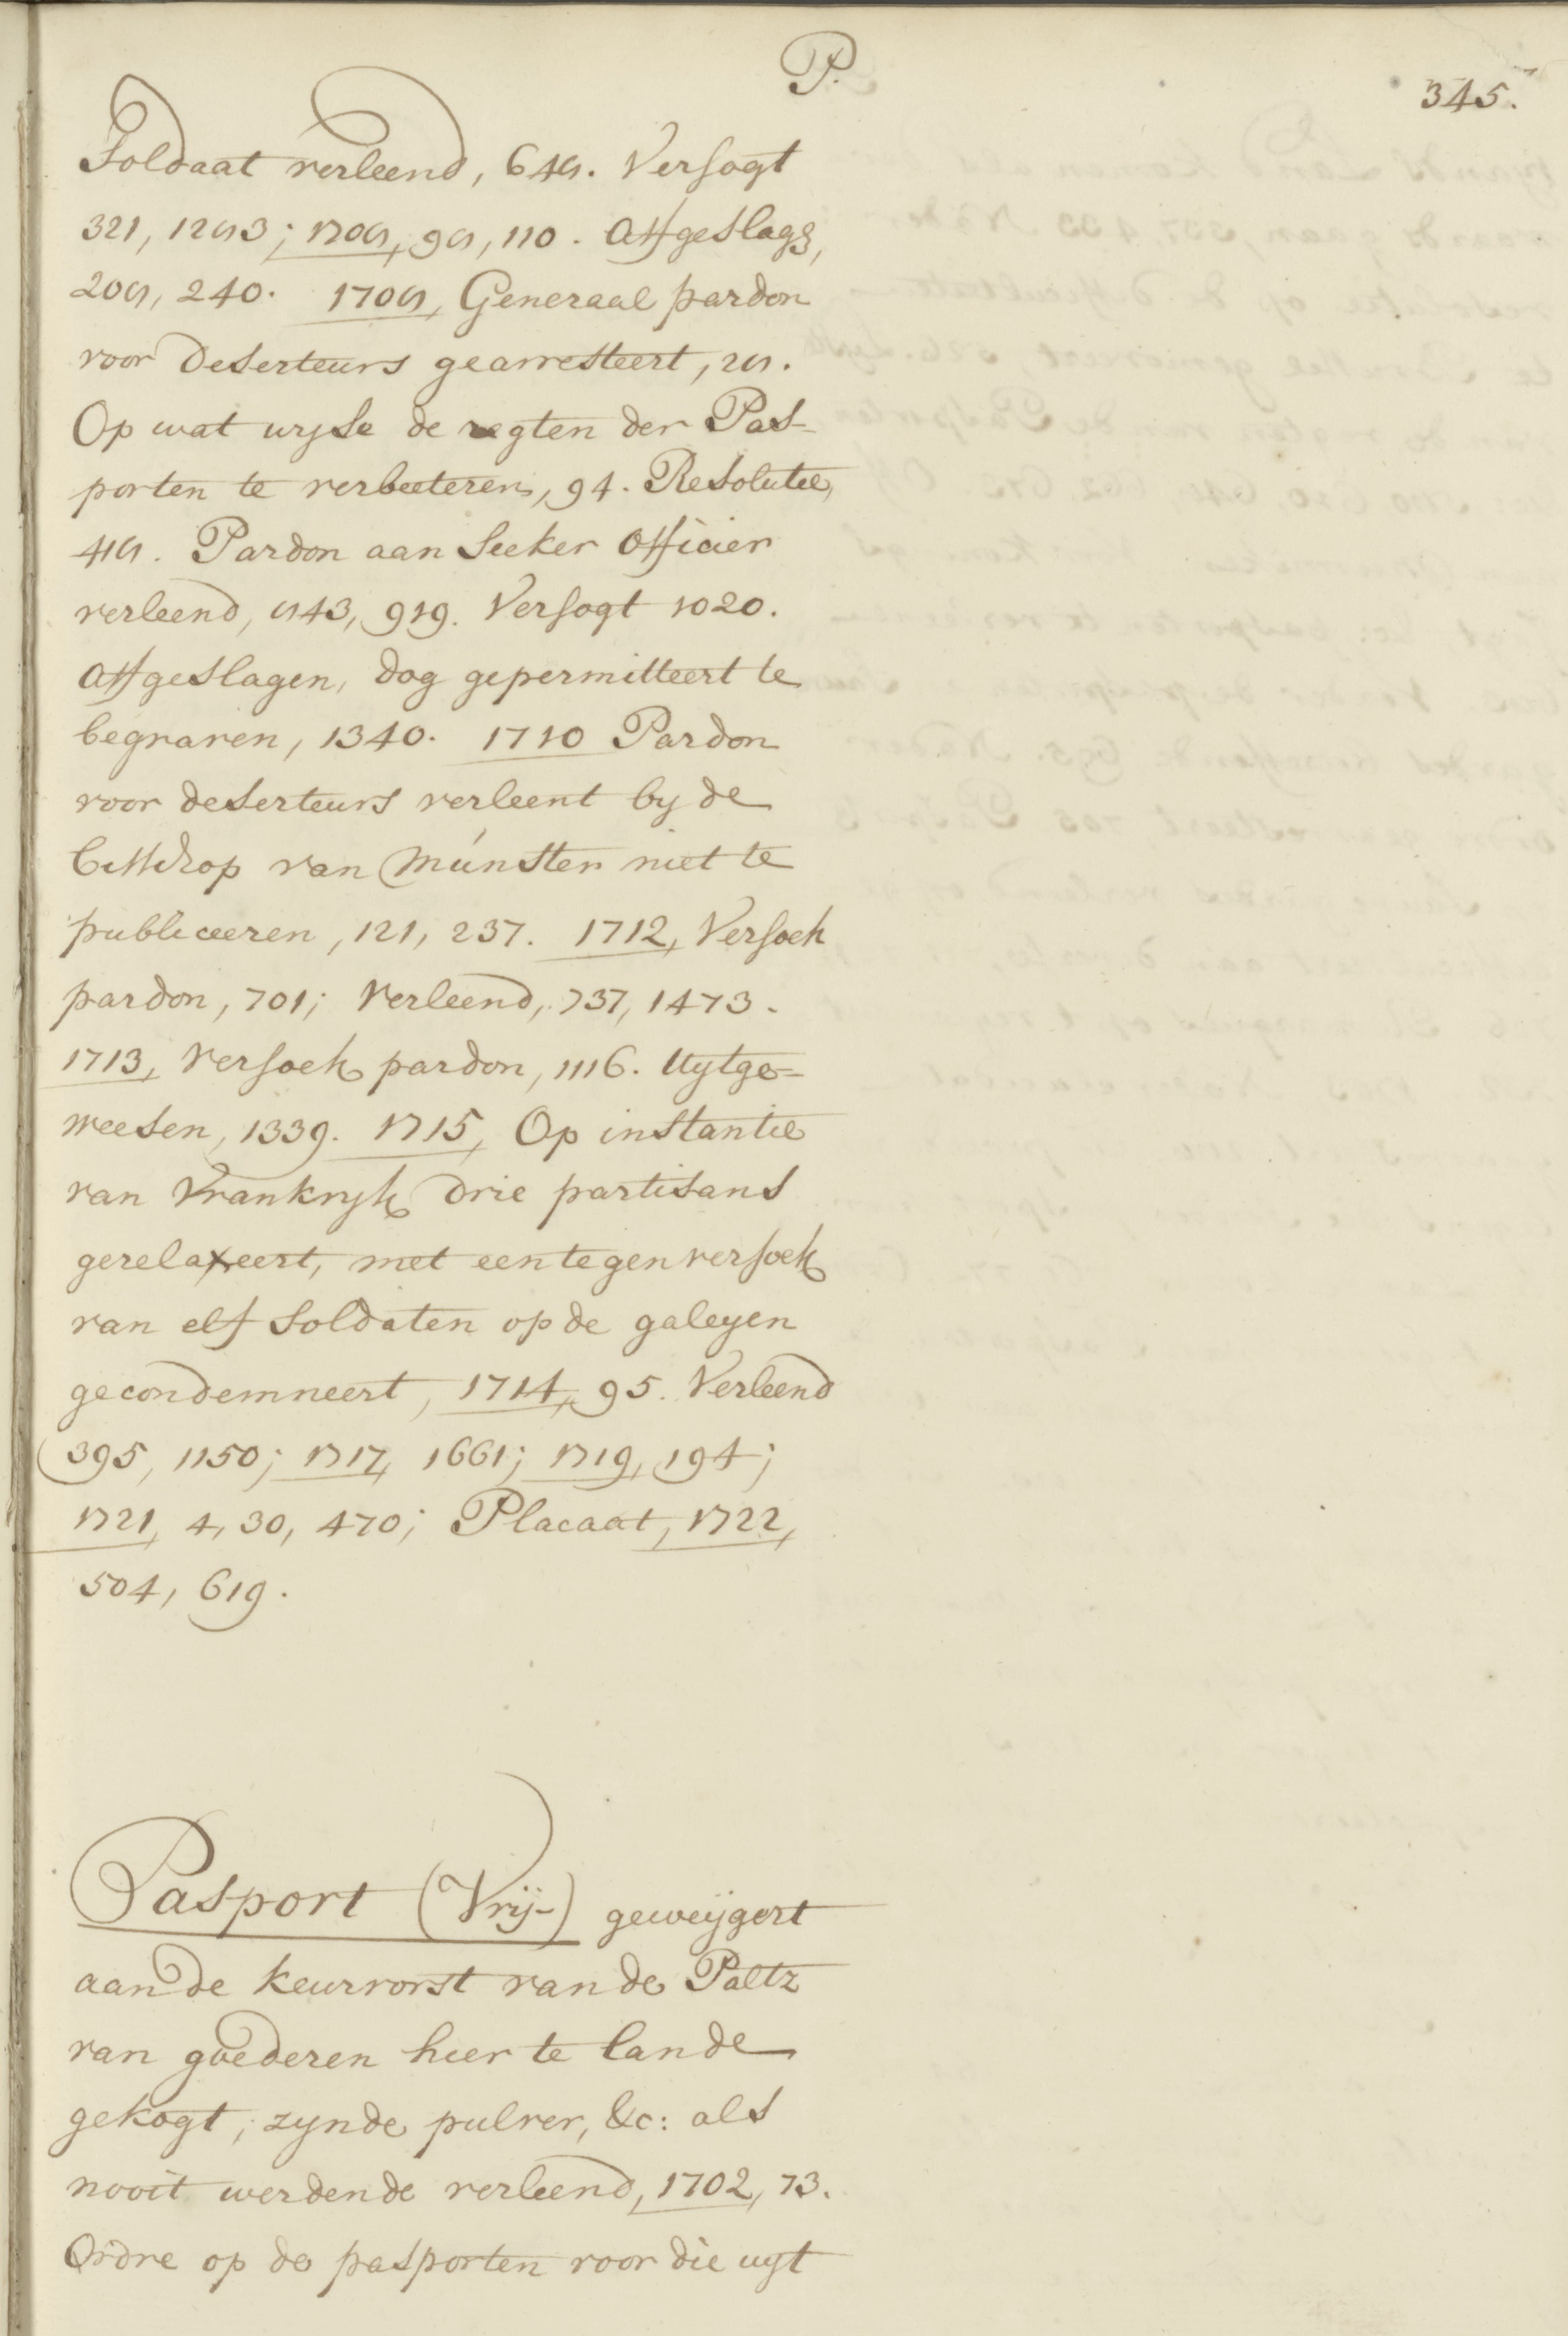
345
P
soldaat verleend, 648. Versogt
321, 1283; 1708, 98, 110. Affgeslagen
208, 240. 1708, Generaal pardon
voor deserteurs gearresteert, 28.
Op wat wyse de regten der Pas„
porten te verbeeteren, 94. Resolutie
418. Pardon aan seeker officier
verleend, 843, 919. Versogt 1020.
Affgeslagen, dog gepermitteert te
begraven, 1340. 1710 Pardon
voor deserteurs verleent bij de
bisschop van Munster niet te
publiceeren, 121, 237. 1712 Versoek
pardon, 701; Verleend, 737, 1473.
1713, Versoek pardon, 1116. Uytge„
weesen, 1339. 1715, Op instantie
van Vrankrijk drie partisans
gerelaxeert, met een tegen versoek
van elf soldaten op de galeyen
gecondemneert, 1714, 95. Verleend
395. 1150; 1717, 1661; 1719, 194;
1721, 4, 30, 470; Placaat, 1722,
504, 619.
Paspoort (Vrij-) geweijgert
aan de keurvorst van de Paltz
van goederen hier te lande
gekogt, zijnde pulver, &c; als
nooit werdende verleend, 1702, 73.
Ordre op de pasporten voor die uyt
